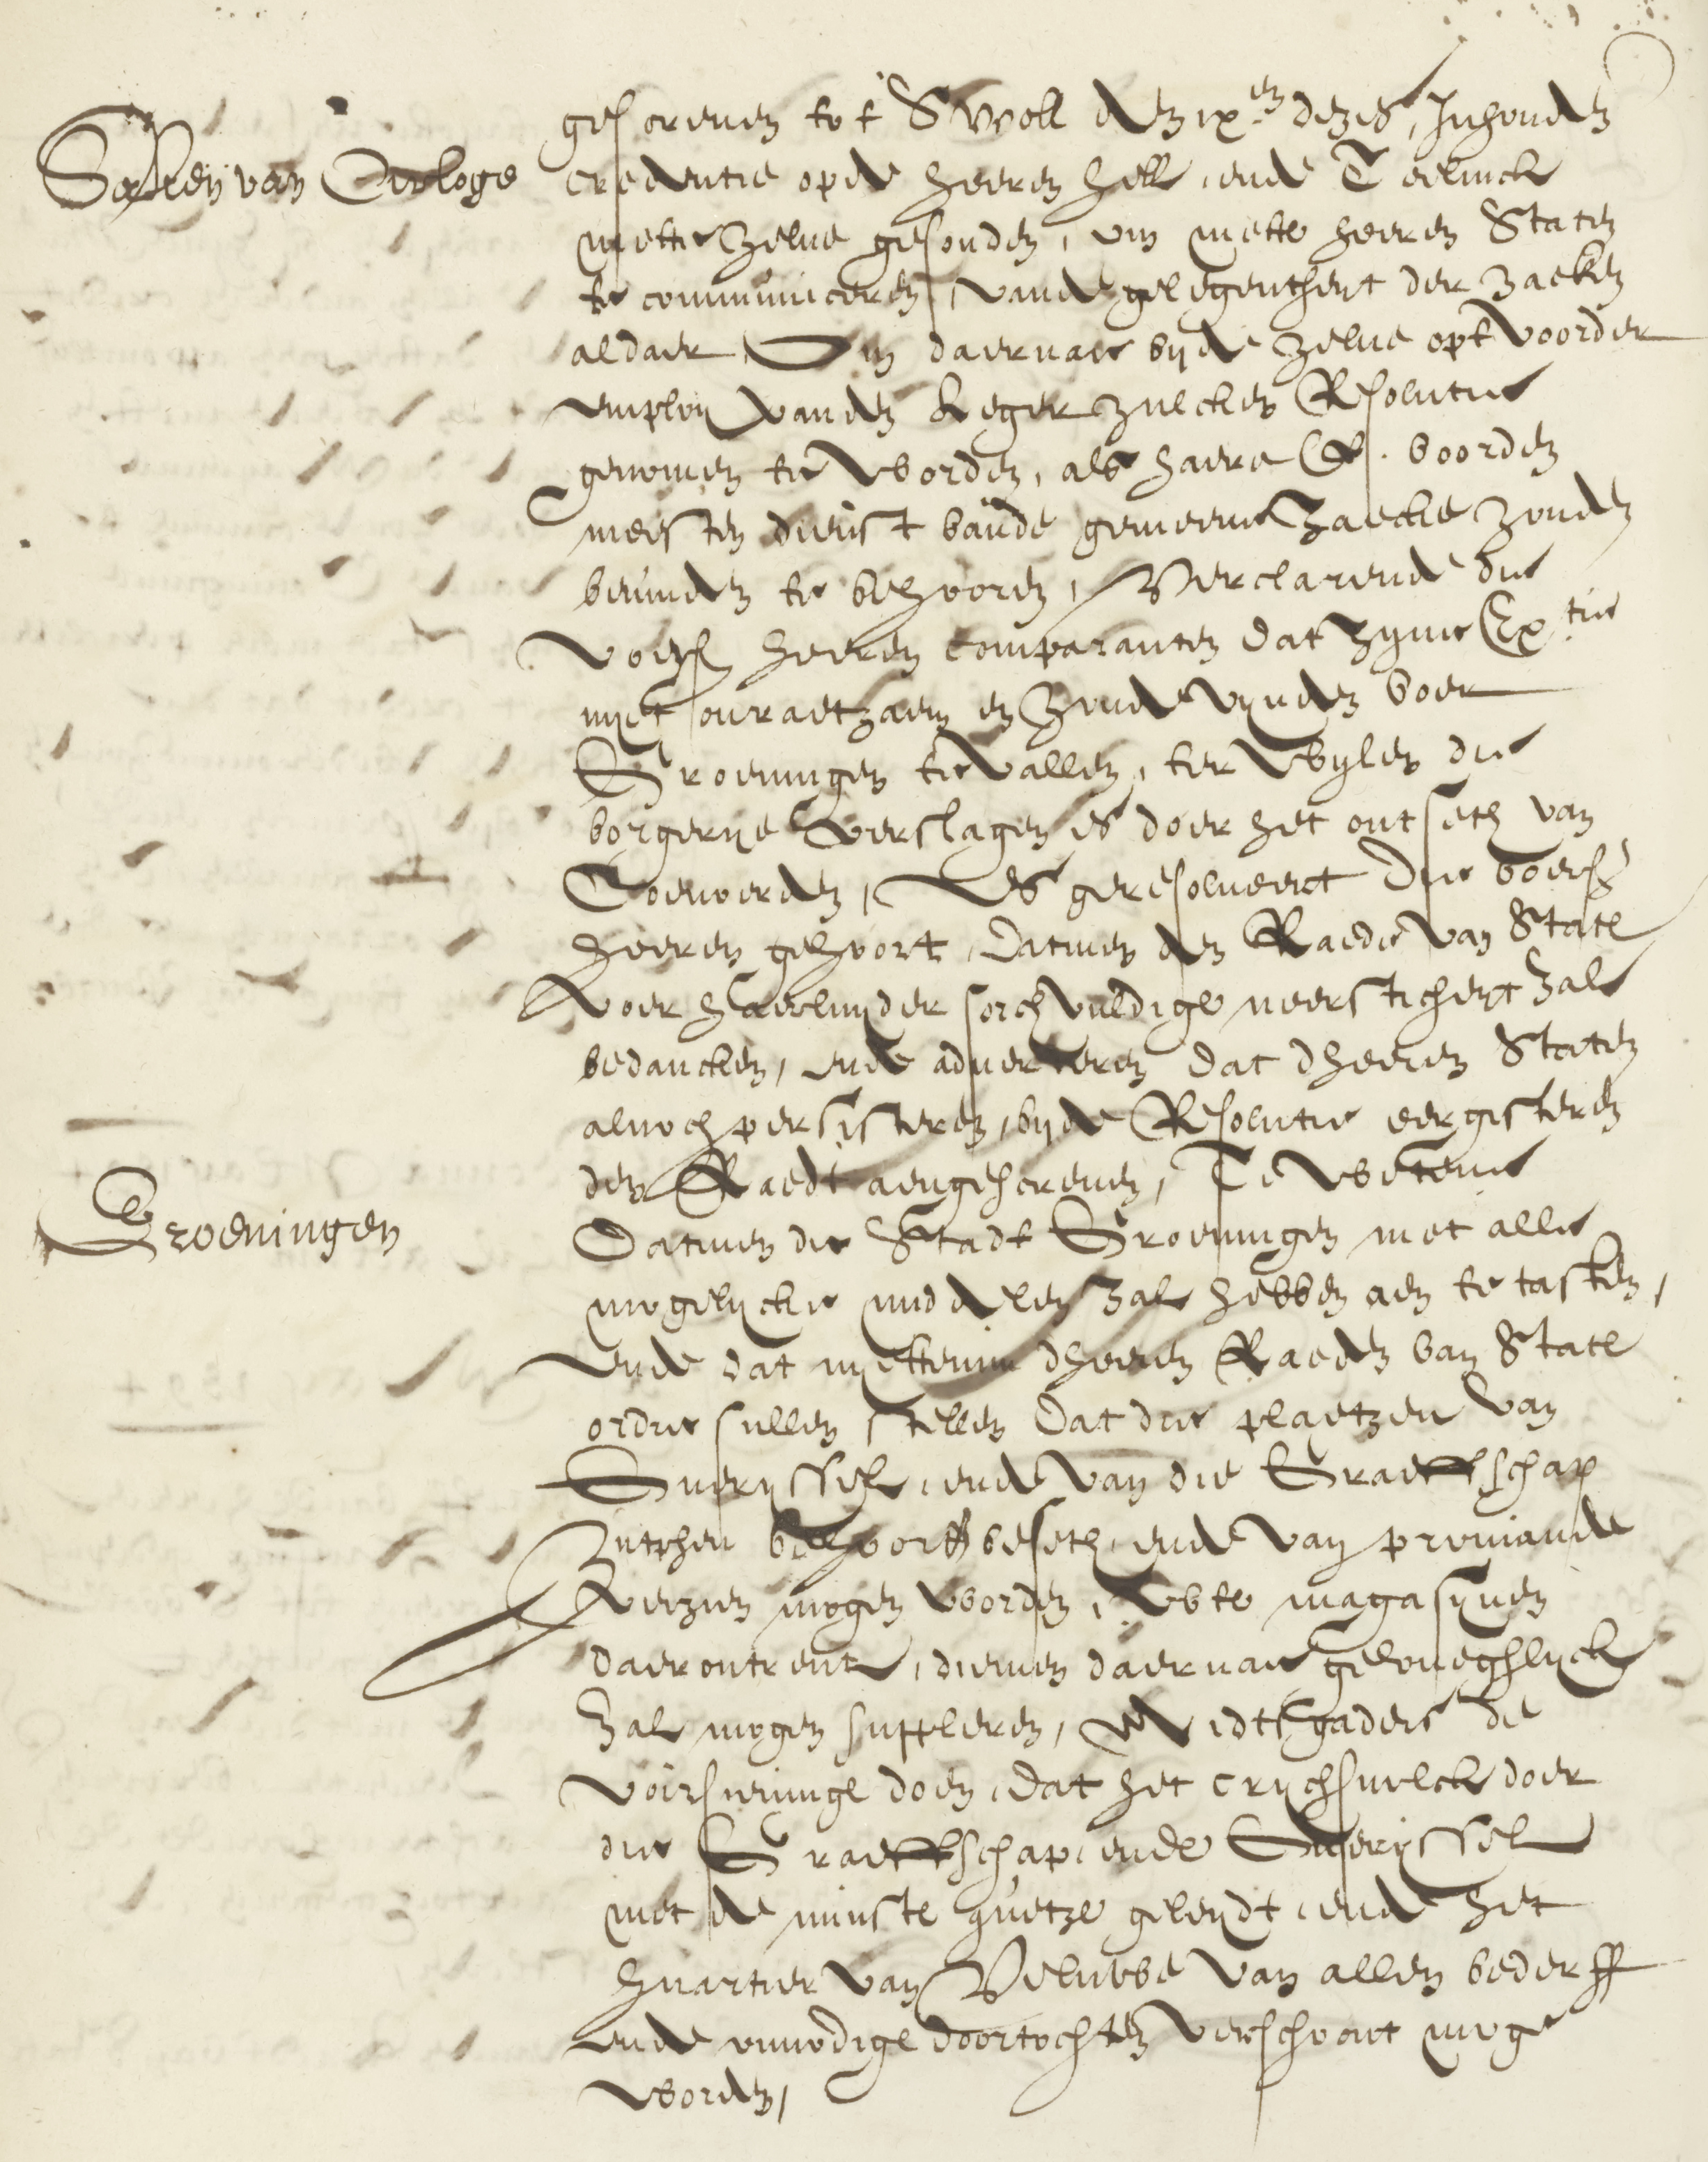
Sacken ven Oorloge
Groeningen
gescreuen tot Swoll den ixen dezes, Inhouden
credentie opde heeren Hell ende Teelinck
mette zelue gesonden, om mette heeren Staten
te communiceren, vande gelegentheyt der zaeken
aldaer, Om daernaer byde zelue opt voorder
employ van den Leger zulcken Resolutie
genomen te worden, als haere E. voorden
meesten dienst vande gemeene zaecke zouden
beuinden te behooren. Verclarende die
voers heeren comparanten dat zyne Extie
nyet onraetzaem en zoude vynden voer
Groeningen te vallen, ter wylen die
borgerye verslagen is doer het ontseth van
Coeverden, Es geresolueert den voers
heeren gehoort, datmen den Raede van State
voer haerluyder sorchvuldige neersticheyt zal
bedancken, ende aduerteren dat dheeren Staten
alnoch persisteren, byde Resolutie eergisteren
den Raedt aengescreuen, te wetens
Datmen de Stadt Groeningen met alle
mogelycke middelen zal hebben aen te tasten,
Ende dat mettenim dheren Raeden van State
orde sullen stellen dat die plaetzen van
Oueryssel, ende van die Graeffschap
Zutphen behoorl beseth, ende van proviande
verzien mogen worden, Wte magasynen
daerontrent, diemen daernae gevueghlyck
zal mogen suppleren, Midtsgaders de
voirsieninge doen, dat het crychsuolck doer
die Graeffschap, ende Overijssel
met de minste quetze geleydt, ende het
quartier van Veluwe van allen bederff
ende onodige doortochten verschoont moge
worden.
